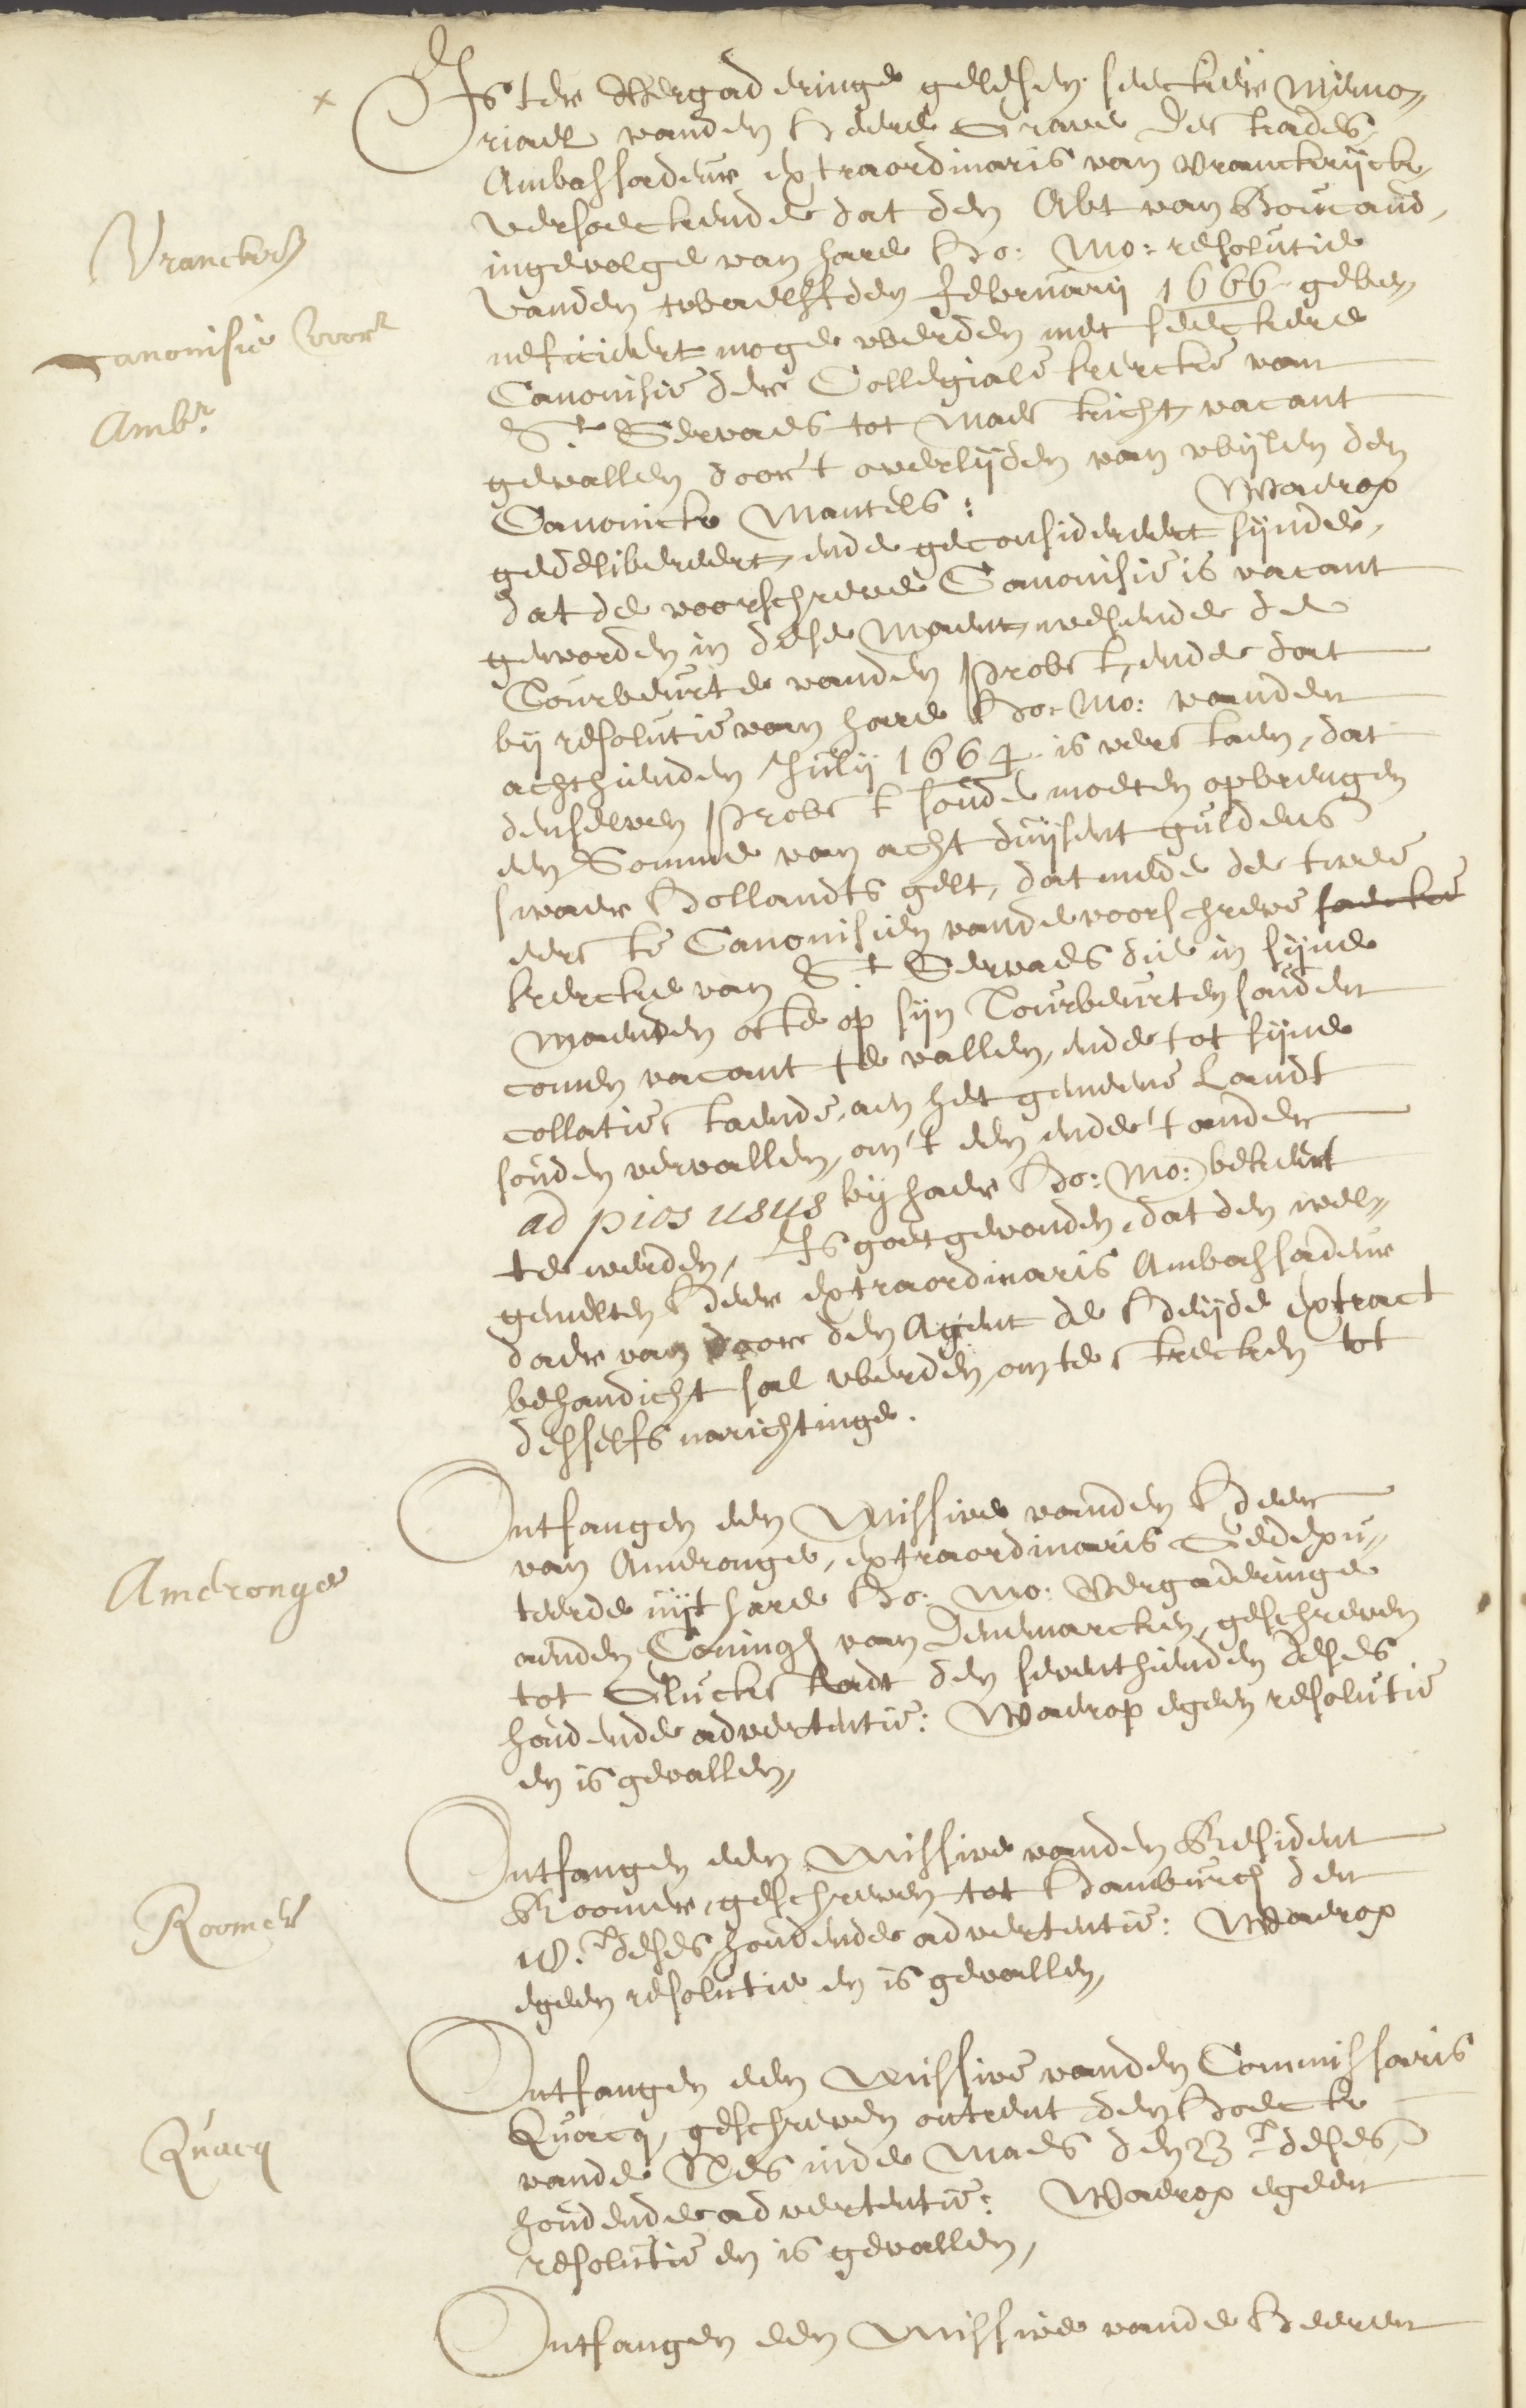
Vranckr
Canonisie voor
Ambr.
Is ter Vergaderinge gelesen seecker Memo„
riael vanden Heere Grave Destrades,
Ambassadeur extraordinaris van Vranckrijck,
versoeckende dat den Abt van Boucand,
ingevolge van hare Ho:Mo: resolutie
vanden twaelffden februarij 1666 gebe„
neficieert moge werden met seeckere
Canonisie der Collegiale Kercke van
St. Servaes tot Maestricht, vacant
gevallen door 't overlijden van wijlen den
Canonick Mantels: Waerop
gedelibereert ende geconsidereert sijnde,
dat de voorschreve Canonisie is vacant
geworden in dese Maent, wesende de
Tourbeurte vanden Probst, ende dat
bij resolutie van hare Ho:Mo: vanden
achthienden Julij 1664 is verstaen, dat
denselven Probst soude moeten opbrengen
een Somme van achtduijsent guldens
swaer Hollandts gelt, dat mede de twee
eerste Canonisien vande voorschreve saecke
Kercke van S.t Servaes die in sijne
Maenden ofte op sijn Tourbeurten souden
comen vacant te vallen, ende tot sijne
collatie staende, aen het gemeene Landt
souden vervallen, om't een ende 't ander
ad pios usus bij haer Ho:Mo: bekent
te werden. Is goetgevonden, dat den wel„
gemelten Heer extraordinaris Ambassadeur
daer van door den Agent de Heijde extract
behandicht sal werden, om te strecken tot
desselfs narichtinge.
Ameronge
Ontfangen een missive vanden Heer
van Ameronge, extraordinaris Gedepu„
teerde uijt hare Ho:Mo: Vergaderinge
aenden Coningh van Denemarcken, geschreven
tot Gluckstadt den seventhienden deses
houdende advertentie: Waerop egeen resolutie
en is gevallen.
Roomer
Ontfangen een missive vanden Resident
Roomer, geschreven tot Hamburch den
18e. deses, houdende advertentie: Waerop
egeen resolutie is gevallen.
Quacq
Ontfangen een missive vanden Commissaris
Quacq, geschreven ontrent den Hoeck —
vande Nes inde Maes den 23e. deses,
houdende advertentie: Waerop egeen
resolutie en is gevallen.
Ontfangen een missive vande Heeren
